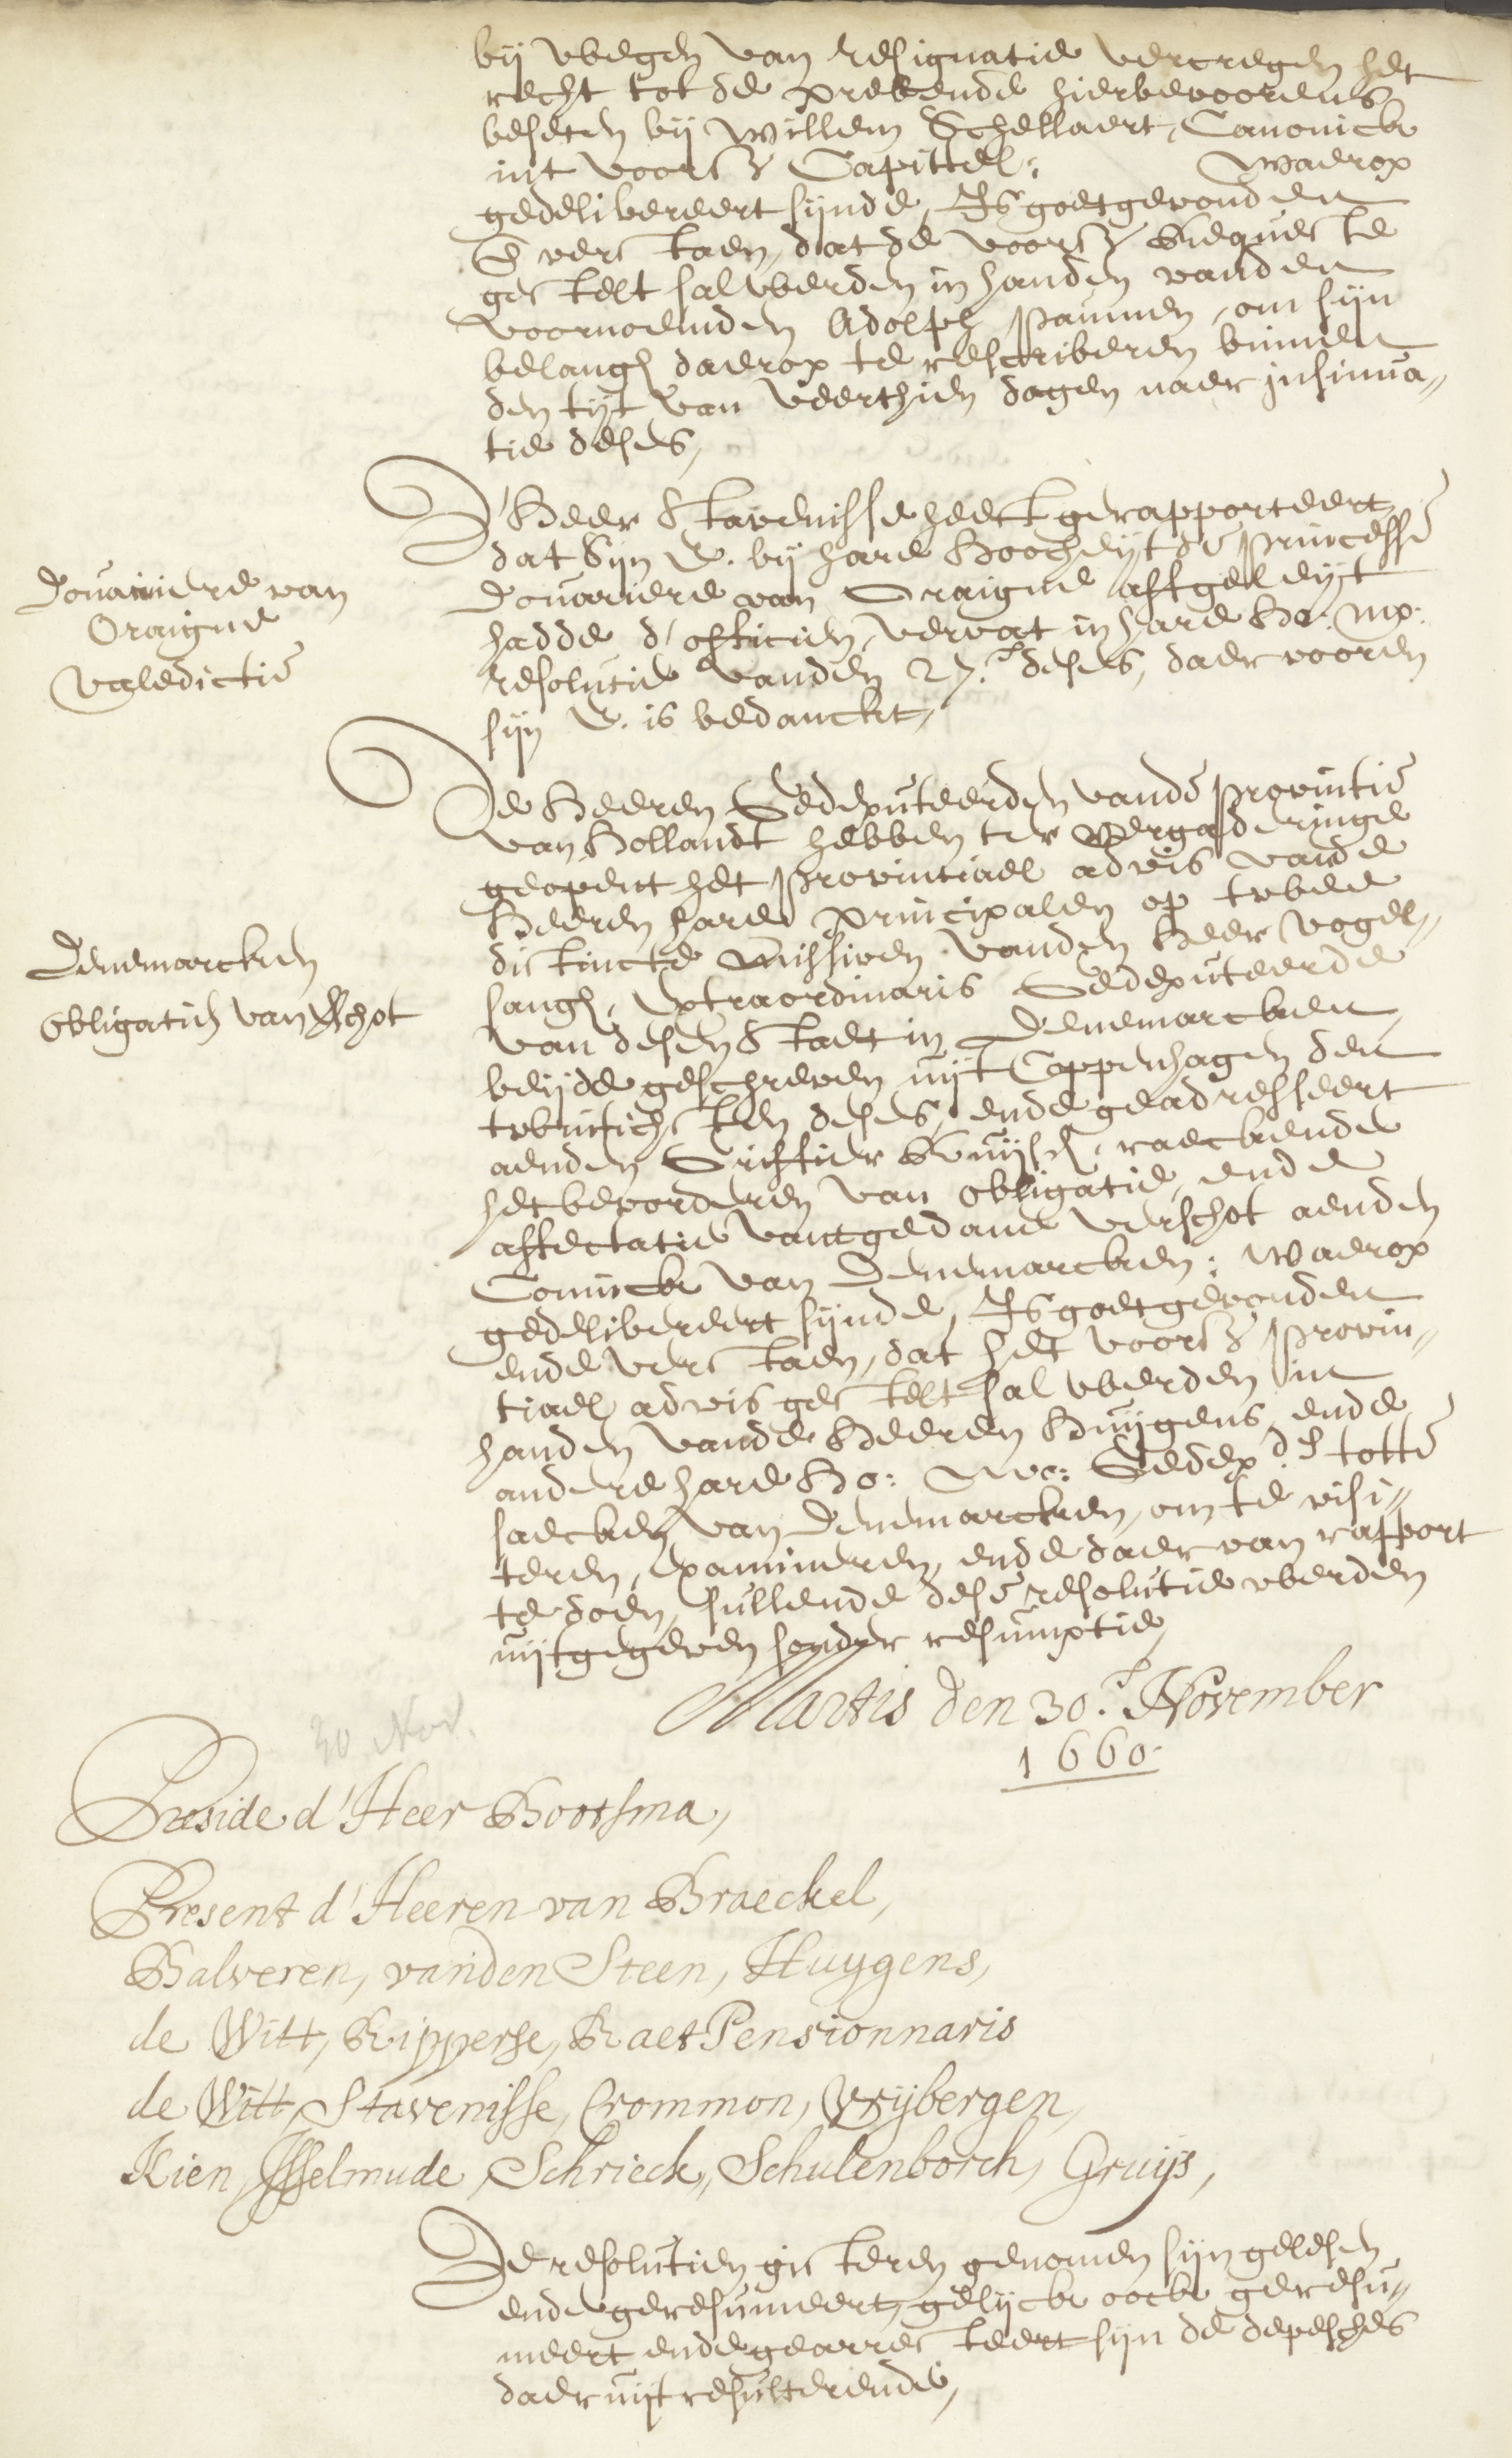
bij wegen van resignatie vercregen het
recht tot de prebende hierbevoorens
beseten bij Willem Schellaert, Canonick
int voors Capittel: Waerop
gedelibereert sijnde, Is goetgevonden
& verstaen, dat de voors Requeste
gestelt sal werden in handen vanden
voornoemden Adolph Paumen, om sijn
belangh daerop te rescriberen binnen
den tijt van veerthien dagen naer insinua„
tie deses.
Douairiere van
Oraigne
valedictie
D'Heer Stavenisse heeft gerapporteert,
dat Sijn E. bij hare Hoocheijt de Princesse
Douariere van Oraigne affgeleijt
hadde, d'officien, vervat in hare Ho:Mo:
resolutie vande 27en. deses, daervooren
sijn E. is bedanckt.
Denemarcken
Obligatien van vschot
De Heeren Gedeputeerden vande Provintie
van Hollandt hebben ter Vergaderinge
geopent het Provintiael advis vande
Heeren hare principalen op twee
distincte Missiven vanden Heer Vogel„
sangh, Extraordinaris Gedeputeerde
van desen Staet in Denemarcken,
beijde geschreven uijt Coppenhagen den
twintichsten deses, ende geadresseert
aenden Griffier Ruijsch, raeckende
het bevorderen van obligatie, ende
affectatie vant gedane verschot aenden
Coninck van Denemarcken: Waerop
gedelibereert sijnde, Is goetgevonden
ende verstaen, dat het voors Provin„
tiael advis gestelt sal werden in
handen vande Heeren Huijgens, ende
andere hare Ho:Mo: Gedepden . totte
saecken van Denemarcken, om te visi„
teren, examineren, ende daer van rapport
te doen, sullende dese resolutie werden
uijtgegeven sonder resumptie.
30. Nov.
Martis den 30en. November
1660.
Preside d' Heer Bootsma,
Present d'Heeren van Braeckel,
Balveren, vanden Steen, Huygens,
de Witt, Ripperse, Raet Pensionnaris
de Witt, Stavenisse, Crommon, Vrijbergen,
Kien, Isselmude, Schrieck, Schulenborch, Gruijs.
De resolutien gisteren genomen sijn gelesen
ende geresumeert, gelijck oock geresu„
meert ende gearresteert sijn de depesches
daeruijt resulterende,
